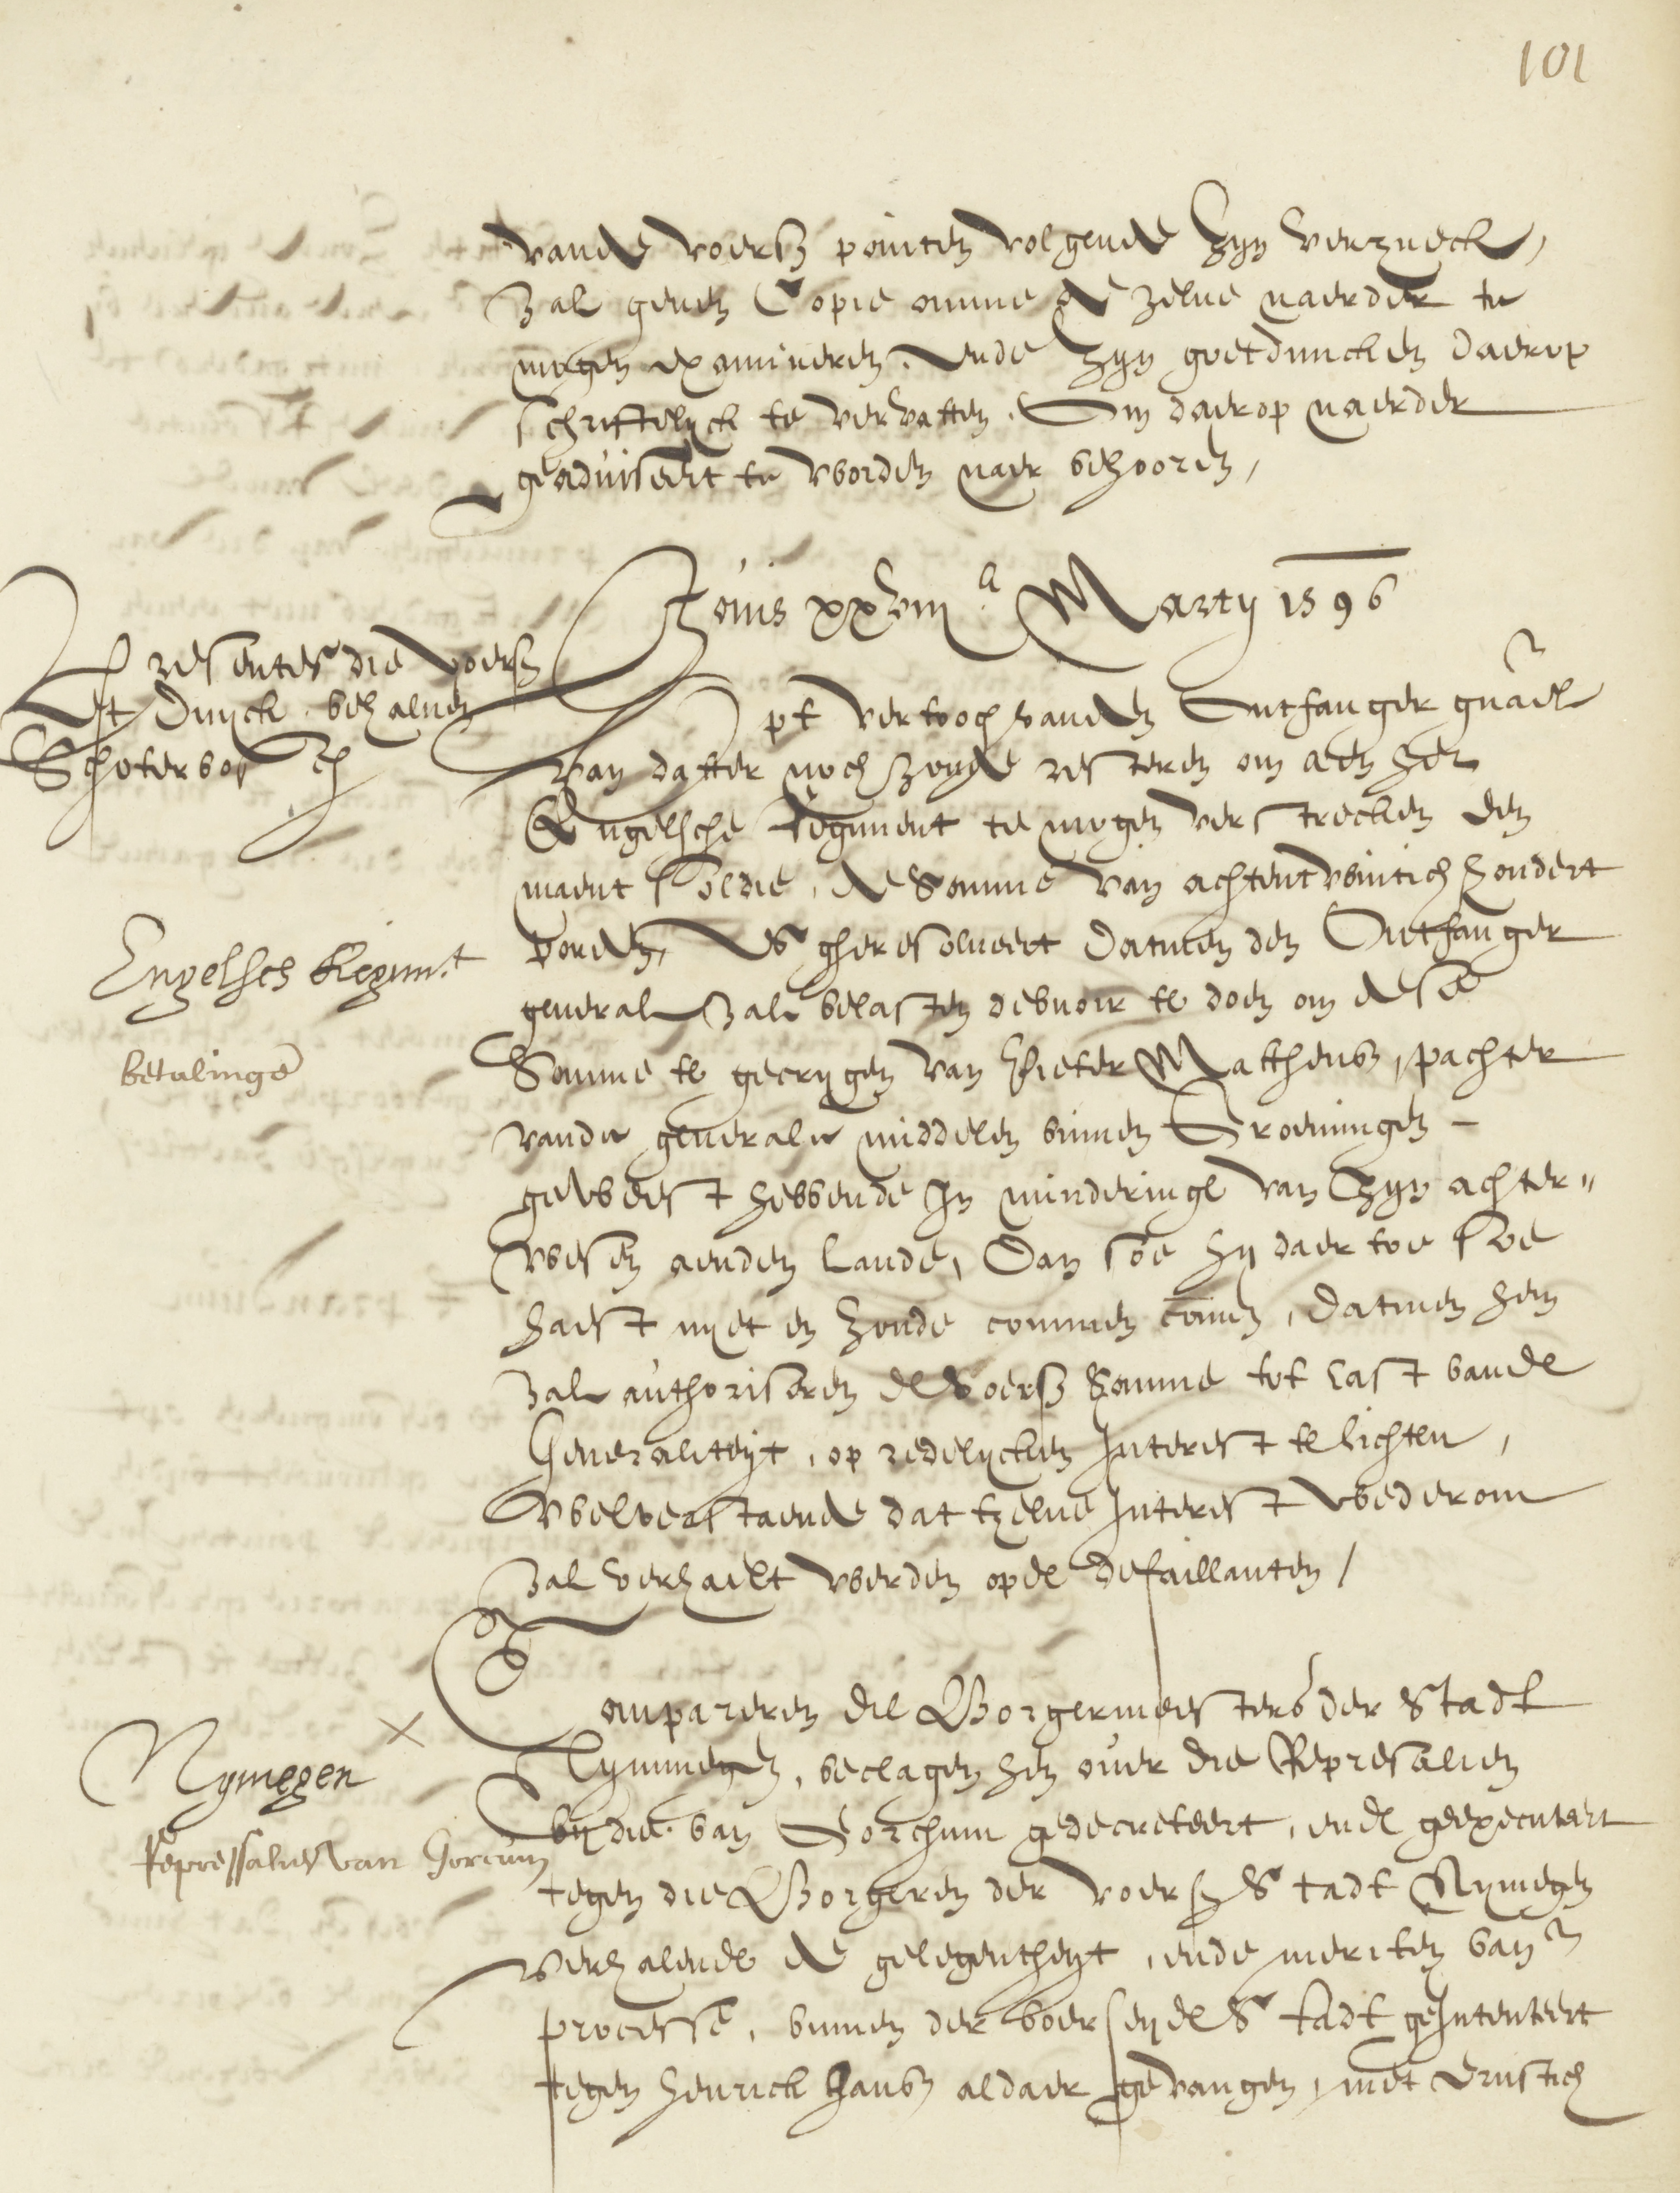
101
vande voers pointen volgende zyn verzueck,
zal geuen Copie omme de zelve naerder te
mogen examineren, ende zyn goetduncken daerop
schriftelyck te vervatten, Om daerop naerder
geaduiseert te worden naer behooren.
Iovis XXVIIIen Marty 1596
Presentes die voers
Duyck, behaluen
Schoterbosch
Engelsch Regimt.
betalinge
Opt vertooch vanden Ontfanger gnael
van datter noch zoude resteren om aen het
Engelsche Regiment te mogen verstrecken een
maent soldie, de Somme van achtentwintich hondert
ponden, es gheresolueert datmen den Ontfanger
general zal belasten debuoir te doen om dese
Somme te gecrygen van Pieter Mattheus, pachter
vande generale middelen binnen Groeningen —
geweest hebbende in minderinge van zyn achter„
wesen aenden Lande, Om soe hy daer toe soe
haest nyet en zoude commen comen, datmen hem
zal authoriseren de voers Somme tot last vande
Generaliteyt, op redelycken Interest te lichten,
welverstaende dat tzelve Interest wederom
zal verhaelt werden opde defaillanten
Nymegen
Repressalien van Gorcum
Compareren de Borgermeesters der Stadt
Nymmegen, beclagen hen ouer die Represalien
by die van Gorchum gedecreteert, ende geexecuteert
tegen die Borgeren der voers Stadt Nymegen
verhalende de gelegentheyt, ende meriten van
processe, binnen der voerseyde Stadt geIntenteert
tegen henrick hansz aldaer gevangen met ernstich
